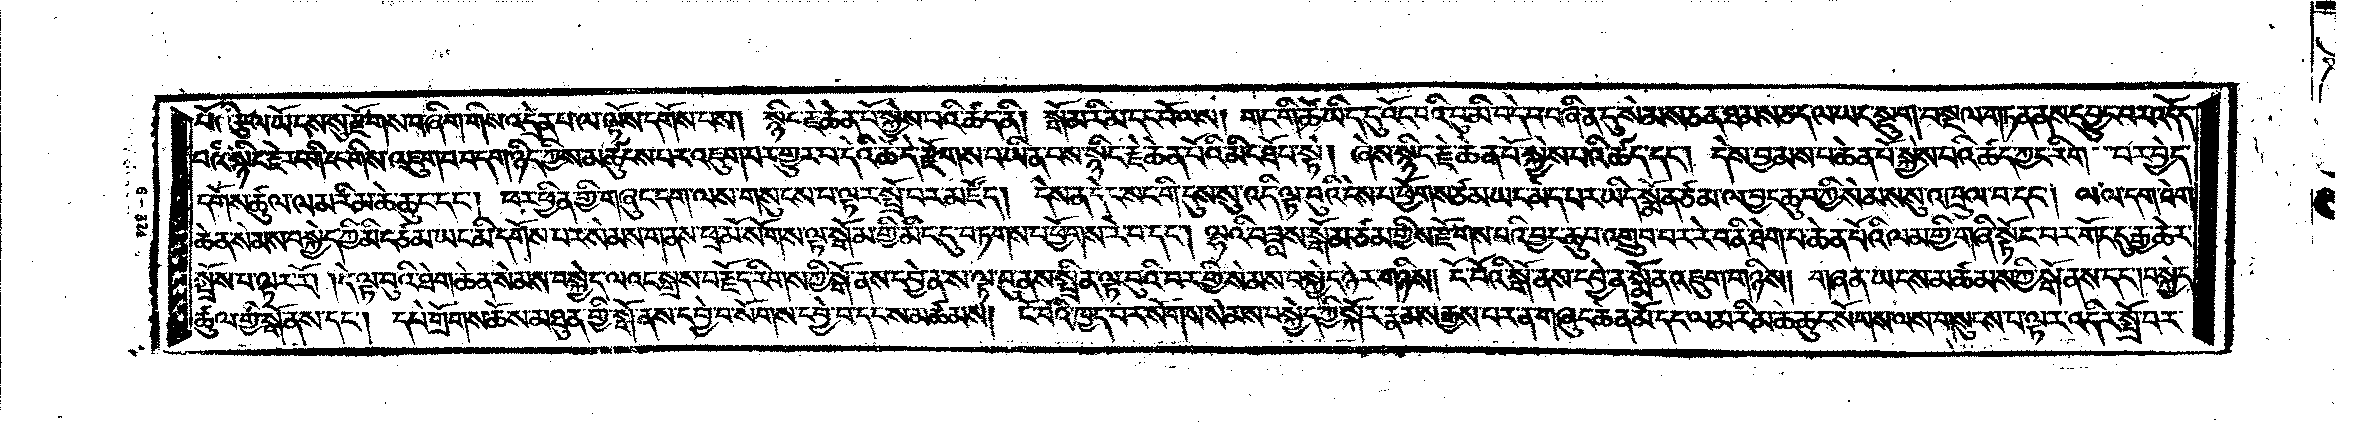པོ། །རྩེ་ལ་ཡོངས་སུ་རྫོགས་པ་ཞིག་གིས་འདྲེན་པ་ལ་ལྟོས་དགོས་པས། སྙིང་རྗེ་ཆེན་པོ་སྐྱེས་པའི་ཚད་ནི། སྒོམ་རིམ་དང་པོ་ལས། གང་གི་ཚེ་ཡིད་དུ་འོང་བའི་བུ་མི་བདེ་བ་བཞིན་དུ་སེམས་ཅན་ཐམས་ཅད་ལ་ཡང་སྡུག་བསྔལ་གཏན་ནས་དབྱུང་བར་འདོད་
པའི་སྙིང་རྗེ་རང་གིས་འཇུག་པ་བདག་ཉིད་ཀྱིས་མཚུངས་པར་འཇུག་པར་གྱུར་པ་དེའི་ཚེ་དེ་རྫོགས་པ་ཡིན་པས་སྙིང་རྗེ་ཆེན་པོའི་མིང་ཐོབ་སྟེ། ཞེས་སྙིང་རྗེ་ཆེན་པོ་སྐྱེས་པའི་ཚད་དང་། དེས་བྱམས་པ་ཆེན་པོ་སྐྱེས་པའི་ཚད་ཀྱང་རིག་པར་བྱེད་
དགོས་ཚུལ་ལམ་རིམ་ཆེ་ཆུང་དང་། ཕར་ཕྱིན་གྱི་གཞུང་དག་ལས་གསུངས་པ་ལྟར་སྤྲོ་བར་མཛོད། དེས་ན་དེང་སང་གི་དུས་སུ་འདི་ལྟ་བུའི་ངེས་པ་ཕྱོགས་ཙམ་ཡང་མེད་པར་ཡིད་སྨོན་ཙམ་ལ་བྱང་ཆུབ་ཀྱི་སེམས་སུ་འཁྲུལ་བ་དང་། ལ་ལ་དག་ཐེག་
ཆེན་སེམས་བསྐྱེད་ཀྱི་མིང་ཙམ་ཡང་མི་དགོས་པར་སེམས་གནས་ཕྲ་མོ་སོགས་ལྟ་སྒོམ་གྱི་མིང་དུ་བཏགས་པ་ཕྱོགས་རེ་བ་དང་། ལྷའི་བཟླས་སྒོམ་ཙམ་གྱིས་རྫོགས་པའི་བྱང་ཆུབ་འགྲུབ་པར་རེ་བ་ནི་ཐེག་པ་ཆེན་པོའི་ལམ་གྱི་གཞི་སྟོང་བར་གོང་དུ་རྒྱ་ཆེར་
སྤྲོས་པ་ལྟར་རོ། །དེ་ལྟ་བུའི་ཐེག་ཆེན་སེམས་བསྐྱེད་ལའང་སྒྲས་བརྗོད་རིགས་ཀྱི་སྒོ་ནས་དབྱེ་ན་ས་ལྟ་བུ་ནས་སྤྲིན་ལྟ་བུའི་བར་གྱི་སེམས་བསྐྱེད་ཉེར་གཉིས། ངོ་བོའི་སྒོ་ནས་དབྱེ་ན་སྨོན་འཇུག་གཉིས། གཞན་ཡངས་མཚམས་ཀྱི་སྒོ་ནས་དང་། བསྐྱེད་
ཚུལ་གྱི་སྒོ་ནས་དང་། དཔེ་གྲོགས་ཆོས་མཐུན་གྱི་སྒོ་ནས་དབྱེ་བ་སོགས་དབྱེ་བ་དང་ས་མཚམས། ངོ་བོའི་ཁྱད་པར་སོགས་སེམས་བསྐྱེད་ཀྱི་སྐོར་རྣམས་རྒྱས་པར་ན་གཞུང་ཆེན་མོ་དང་ལམ་རིམ་ཆེ་ཆུང་སོགས་ལས་གསུངས་པ་ལྟར་འདིར་སྤྲོ་བར་